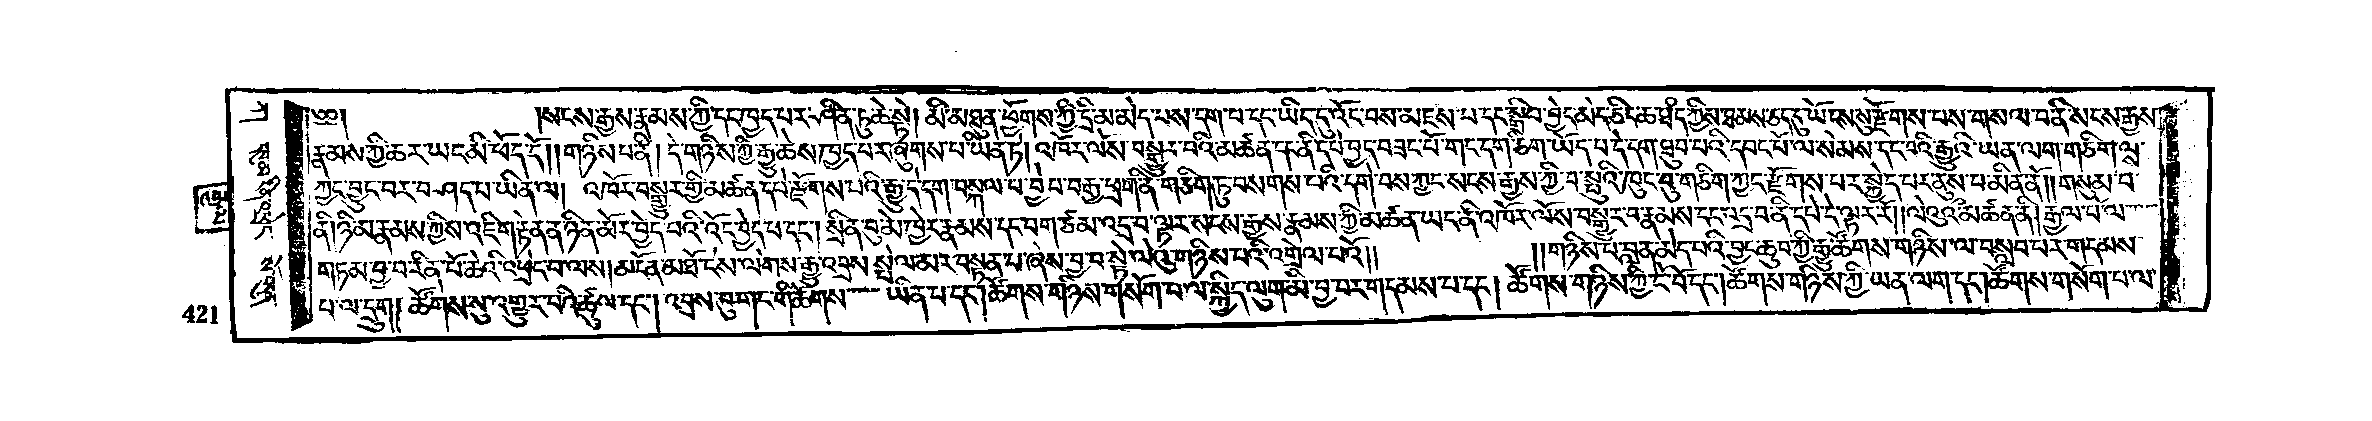༄༅། །སངས་རྒྱས་རྣམས་ཀྱི་དང་ཁྱད་པར་ཤིན་ཏུ་ཆེ་སྟེ། མི་མཐུན་ཕྱོགས་ཀྱི་དྲི་མ་མེད་པས་དག་པ་དང་ཡིད་དུ་འོང་བས་མཛས་པ་དང་སྒྲིབ་བྱེད་མེད་ཅིང་ཆ་ཐམས་ཅད་ཀྱིས་ཐམས་ཅད་དུ་ཡོངས་སུ་རྫོགས་པས་གསལ་བ་ནི་སངས་རྒྱས་
རྣམས་ཀྱི་ཆར་ཡང་མི་ཕོད་དོ། །གཉིས་པ་ནི། དེ་གཉིས་ཀྱི་རྒྱུ་ཆེས་ཁྱད་པར་ཞུགས་པ་ཡིན་ཏེ། འཁོར་ལོས་བསྒྱུར་བའི་མཚན་དང་ནི་དཔེ་བྱད་བཟང་པོ་གང་དག་ཅིག་ཡོད་པ་དེ་དག་ཐུབ་པའི་དབང་པོ་ལ་སེམས་དང་བའི་རྒྱུའི་ཡན་ལག་གཅིག་ལས་
ཀྱང་བྱུང་བར་བཤད་པ་ཡིན་ལ། འཁོར་བསྒྱུར་གྱི་མཚན་དཔེ་རྫོགས་པའི་རྒྱུ་དེ་དག་བསྐལ་པ་བྱེ་བ་བརྒྱ་ཕྲག་ནི་གཅིག་ཏུ་བསགས་པའི་དགེ་བས་ཀྱང་སངས་རྒྱས་ཀྱི་བ་སྤུའི་ཁུང་བུ་གཅིག་ཀྱང་རྫོགས་པར་སྐྱེད་པར་ནུས་པ་མིན་ནོ། །གསུམ་པ་
ནི། ཉི་མ་རྣམས་ཀྱིས་འཇིག་རྟེན་ན་ཉིན་མོར་བྱེད་པའི་འོད་བྱེད་པ་དང་། སྲིན་བུ་མེ་ཁྱེར་རྣམས་དང་བག་ཙམ་འདྲ་བ་ལྟར་སངས་རྒྱས་རྣམས་ཀྱི་མཚན་ཡང་ནི་འཁོར་ལོས་བསྒྱུར་བ་རྣམས་དང་འདྲ་བ་ནི་དཔེ་དེ་ལྟར་རོ། །ལེའུའི་མཚན་ནི། །རྒྱལ་པོ་ལ་
གཏམ་བྱ་བ་རིན་པོ་ཆེའི་འཕྲེང་བ་ལས། མངོན་མཐོ་ངེས་ལེགས་རྒྱུ་འབྲས་སྤེལ་མར་བསྟན་པ་ཞེས་བྱ་བ་སྟེ་ལེའུ་གཉིས་པའི་འགྲེལ་པའོ།། །།གཉིས་པ་བླ་ན་མེད་པའི་བྱང་ཆུབ་ཀྱི་རྒྱུ་ཚོགས་གཉིས་ལ་བསླབ་པར་གདམས་
པ་ལ་དྲུག །ཚོགས་སུ་འགྱུར་བའི་ཚུལ་དང་། འབྲས་བུ་གང་གི་ཚོགས་ཡིན་པ་དང་། ཚོགས་གཉིས་གསོག་པ་ལ་སྐྱིད་ལུག་མི་བྱ་བར་གདམས་པ་དང་། ཚོགས་གཉིས་ཀྱི་ངོ་བོ་དང་། ཚོགས་གཉིས་ཀྱི་ཡན་ལག་དང་། ཚོགས་གསོག་པ་ལ་